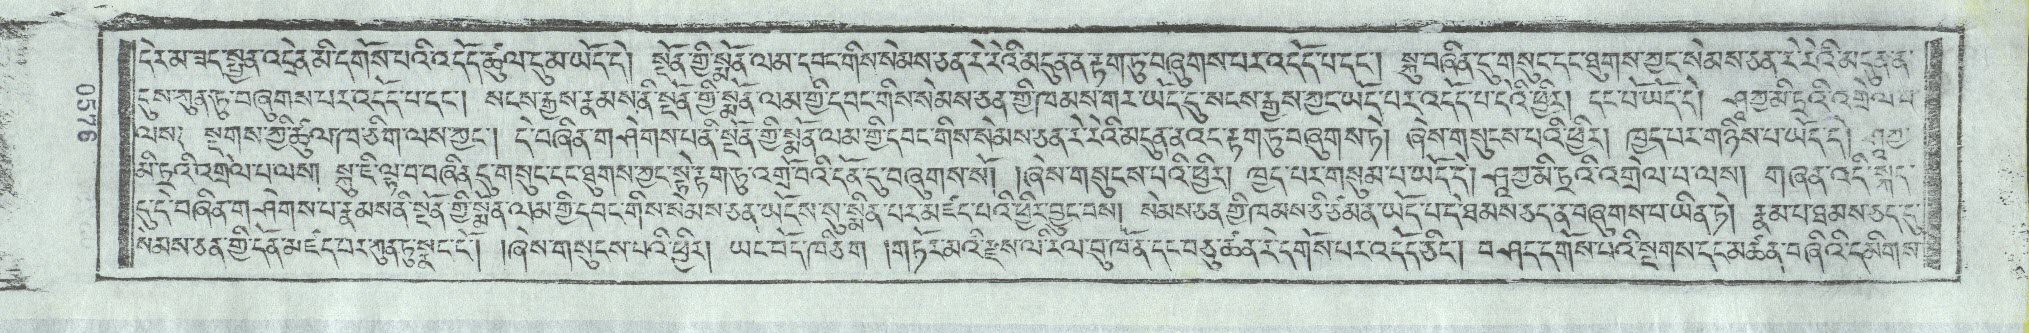དེར་མ་ཟད་སྤྱན་འདྲེན་མི་དགོས་པའི་འདོད་ཚུལ་དུ་མ་ཡོད་དེ། སྔོན་གྱི་སྨོན་ལམ་དབང་གིས་སེམས་ཅན་རེ་རེའི་མདུན་ན་རྟག་ཏུ་བཞུགས་པར་འདོད་པ་དང་། སྐུ་བཞིན་དུ་གསུང་དང་ཐུགས་ཀྱང་སེམས་ཅན་རེ་རེའི་མདུན་ན་
དུས་ཀུན་ཏུ་བཞུགས་པར་འདོད་པ་དང་། སངས་རྒྱས་རྣམས་ནི་སྔོན་གྱི་སྨོན་ལམ་གྱི་དབང་གིས་སེམས་ཅན་གྱི་ཁམས་གར་ཡོད་དུ་སངས་རྒྱས་ཀྱང་ཡོད་པར་འདོད་པ་དེའི་ཕྱིར། དང་པོ་ཡོད་དེ། ཤཱཀྱ་མི་ཏྲའི་འགྲེལ་པ་
ལས༑ སྔགས་ཀྱི་ཚུལ་ཁ་ཅིག་ལས་ཀྱང་། དེ་བཞིན་གཤེགས་པ་ནི་སྔོན་གྱི་སྨོན་ལམ་གྱི་དབང་གིས་སེམས་ཅན་རེ་རེའི་མདུན་ནའང་རྟག་ཏུ་བཞུགས་ཏེ། ཞེས་གསུངས་པའི་ཕྱིར། ཁྱད་པར་གཉིས་པ་ཡོད་དེ། ཤཱཀྱ་
མི་ཉྲའི་འགྲེལ་པ་ལས། སྐུ་ཇི་ལྟ་བ་བཞིན་དུ་གསུང་དང་ཐུགས་ཀྱང་སྟེ་རྟག་ཏུ་འགྲོ་བའི་དོན་དུ་བཞུགས་སོ། །ཞེས་གསུངས་པའི་ཕྱིར། ཁྱད་པར་གསུམ་པ་ཡོད་དེ། ཤཱཀྱ་མི་ཏྲའི་འགྲེལ་པ་ལས། གཞན་འདི་སྐད་
དུ་དེ་བཞིན་གཤེགས་པ་རྣམས་ནི་སྔོན་གྱི་སྨོན་ལམ་གྱི་དབང་གིས་སེམས་ཅན་ཡོངས་སུ་སྨིན་པར་མཛད་པའི་ཕྱིར་བྱུང་བས། སེམས་ཅན་གྱི་ཁམས་ཅི་ཙམ་ན་ཡོད་པ་དེ་ཐམས་ཅད་ན་བཞུགས་པ་ཡིན་ཏེ། རྣམ་པ་ཐམས་ཅད་དུ་
སེམས་ཅན་གྱི་དོན་མཛད་པར་ཀུན་ཏུ་སྣང་ངོ། །ཞེས་གསུངས་པའི་ཕྱིར། ཡང་བོད་ཁ་ཅིག །གཏོར་མའི་རྫས་ལ་རིལ་བུ་ཁོ་ན་དང་བཅུ་ཚན་རེ་དགོས་པར་འདོད་ཅིང་། བཤད་དགོས་པའི་སྔགས་དང་མཚན་བཞིའི་དམིགས་